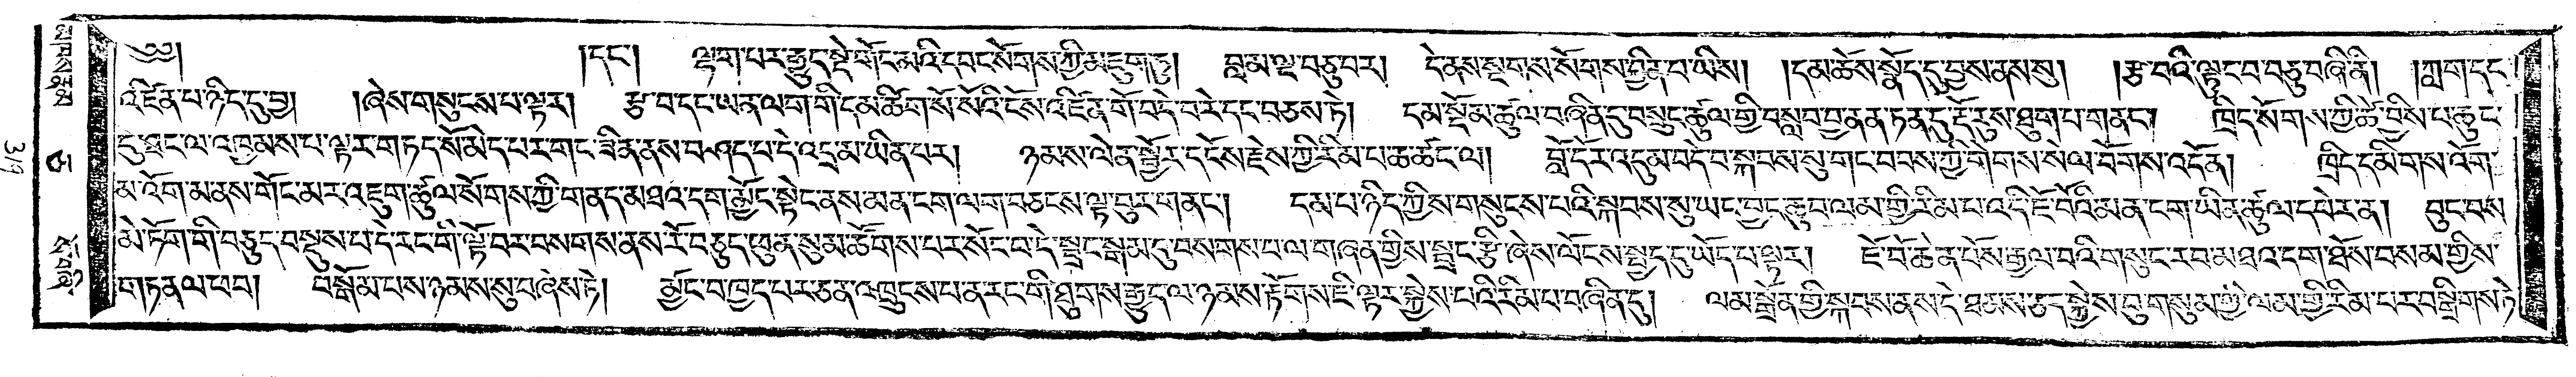༄༅། །དང་། ལྷག་པར་རྒྱུད་རྗེ་གོང་མའི་དབང་སོགས་ཀྱི་མཇུག་ཏུ། བླ་མ་ལྔ་བཅུ་བར། དེ་ནས་སྔགས་སོགས་བྱིན་པ་ཡིས། །དམ་ཆོས་སྣོད་དུ་བྱས་ནས་སུ། །རྩ་བའི་ལྟུང་བ་བཅུ་བཞི་ནི། །ཀླག་དང་
འཛིན་པ་ཉིད་དུ་བྱ། །ཞེས་གསུངས་པ་ལྟར། རྩ་བ་དང་ཡན་ལག་གི་དམ་ཚིག་སོ་སོའི་ངོས་འཛིན་གོ་བདེ་བ་རེ་དང་བཅས་ཏེ། དམ་སྔོམ་ཚུལ་བཞིན་དུ་བསྲུང་ཚུལ་གྱི་བསླབ་བྱ་ནན་ཏན་དུ་རྡོ་རུས་ཐུག་པ་གནང་། ཁྲིད་སོགས་ཀྱི་ཚེ་བྱིས་པ་ཆུང་
དུ་ཐང་ལ་འཁྱམས་པ་ལྟར་གཏད་སོ་མེད་པར་གང་ཟིན་ནས་བཤད་པ་དེ་འདྲ་མ་ཡིན་པར། ཉམས་ལེན་སྦྱོར་དངོས་རྗེས་ཀྱི་རིམ་པ་ཆ་ཚང་ལ། བློ་དོར་འདུམ་བདེ་བ་སྐབས་སུ་གང་བབས་ཀྱི་གེགས་སེལ་བོགས་འདོན། ཁྲིད་དམིགས་འོག་
མ་འོག་མ་ནས་གོང་མར་འཇུག་ཚུལ་སོགས་ཀྱི་གནད་མཐའ་དག་མྱོང་སྟེང་ནས་མན་ངག་ལག་བཅངས་ལྟ་བུར་གནང་། དམ་པ་ཉིད་ཀྱིས་གསུངས་པའི་སྐབས་སུ་ཡང་བྱང་ཆུབ་ལམ་གྱི་རིམ་པ་འདི་ཇོ་བོའི་མན་ངག་ཡིན་ཚུལ་དཔེར་ན། བུང་བས་
མེ་ཏོག་གི་བཅུད་བསྡུས་པ་དེ་རང་གི་ལྟོ་བར་བསགས་ནས་རོ་བཅུད་ཕུན་སུམ་ཚོགས་པར་སོང་བ་དེ་སྦྲང་སྒམ་དུ་བསགས་པ་ལ་གཞན་གྱིས་སྦྲང་རྩི་ཞེས་ལོངས་སྤྱད་དུ་ཡོད་པ་ལྟར། ཇོ་བོ་ཆེན་པོས་རྒྱལ་བའི་གསུང་རབ་མཐའ་དག་ཐོས་བསམ་གྱིས་
གཏན་ལ་ཕབ། བསྒོམ་པས་ཉམས་སུ་བཞེས་ཏེ། མྱོང་བ་ཁྱད་པར་ཅན་འཁྲུངས་པ་ན་རང་གི་ཐུགས་རྒྱུད་ལ་ཉམས་རྟོགས་ཇི་ལྟར་སྐྱེས་པའི་རིམ་པ་བཞིན་དུ། ལམ་སྒྲོན་གྱི་སྐབས་ནས་དེ་ཐམས་ཅད་སྐྱེས་བུ་གསུམ་གྱི་ལམ་གྱི་རིམ་པར་བསྒྲིགས་ཏེ་